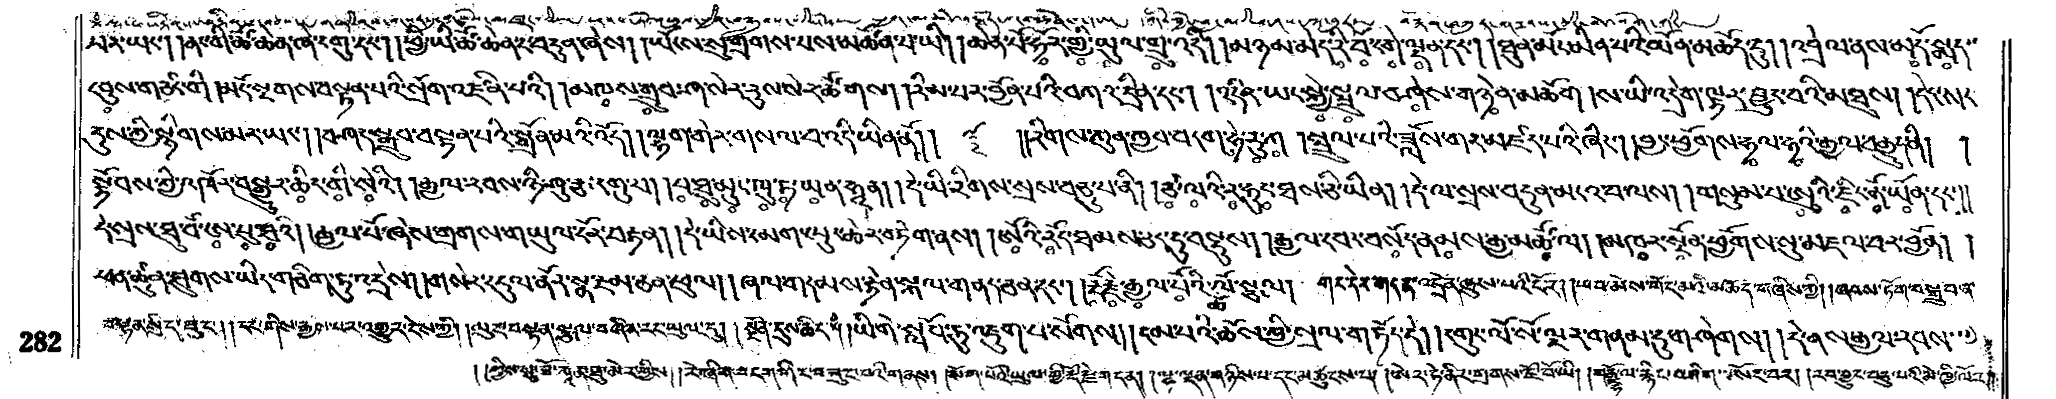པར་ཡང་། །ནང་གི་ཚོ་ཆེན་ཞེ་དགུ་དང་། །ཕྱི་ཡི་ཚོ་ཆེན་ང་བདུན་ཞེས། །ཡོངས་སུ་གྲགས་པས་མཚོན་པ་ཡི། །ཆེན་པོ་ཧོར་གྱི་ཡུལ་གྲུ་འདི། །མཉམ་མེད་རི་བོ་དགེ་ལྡན་དང་། །ཐུན་མོང་མིན་པའི་ཡོན་མཆོད་དུ། །འབྲེལ་ནས་མདོ་སྨད་
དབུས་གཙང་གི །མདོ་སྔགས་བསྟན་པའི་སྲོག་འཛིན་པའི། །མཁས་གྲུབ་ཤ་སེར་རུས་སེར་ཚོགས། །རིམ་པར་བྱོན་པའི་བཀའ་དྲིན་དང་། །འདིན་ཡང་སྐྱེ་སྤྲུལ་བཤེས་གཉེན་མཆོག །ས་ཡི་འདྲེག་ལྟར་བྱུང་བའི་མཐུས། །དེང་སང་
དུས་ཀྱི་སྙིགས་མར་ཡང་། །བཤད་སྒྲུབ་བསྟན་པའི་སྒྲོན་མའི་འོད། །ལྷག་གེར་གསལ་བ་འདི་ཡིན་ནོ།། ༈ །།རིགས་ཀུན་ཁྱབ་བདག་ཧེ་རུ་ཀ །སྤྲུལ་པའི་ཟློས་གར་མཛད་པའི་ཞིང་། །བྱང་ཕྱོགས་ཧལ་ཧའི་རྒྱལ་བརྒྱུད་ནི། །
སྟོབས་ཀྱི་འཁོར་བསྒྱུར་ཆིང་གི་སེའི། །རྒྱལ་རབས་ཉི་ཤུ་རྩ་དགུ་པ། །བ་ཐུ་མུང་ཁུ་ཏ་ཡན་ཧཱན། །དེ་ཡི་རིགས་སྲས་བཅུ་པ་ནི། །ཙ་ལའི་ར་ཧུང་ཐས་ཅི་ཡིན། །དེ་ལ་སྲས་བདུན་མངའ་བ་ལས། །གསུམ་པ་ཨུའི་ཇིང་ནོ་ཡོན་དང།།
དེ་སྲས་ཐུ་བོ་ཨ་པུ་ཐའི། །རྒྱལ་པོ་ཞེས་གྲགས་གཡུལ་ངོན་བརྟན། །དེ་ཡིས་དམག་དཔུང་ཆེར་བཏེག་ནས། །ཨོའི་རྡོ་ཐམས་ཅད་དུ་བསྡུས། །རྒྱལ་དབང་བསོད་ནམས་རྒྱ་མཚོ་ལ། །མཁར་སྔོན་ཕྱོགས་སུ་མཇལ་བར་བྱོན། །
ཕན་ཚུན་ཐུགས་ཡིད་གཅིག་ཏུ་འདྲེས། །གསེར་དངུལ་ནོར་སྣ་རྔམ་ཅན་ཕུལ། །ཞལ་གདམས་རྟེན་སྐལ་གནད་ཅན་དང་། །རྡོ་རྗེ་རྒྱལ་པོའི་ཆོ་ལོ་སྩལ། གང་དེར་གདན་འདྲེན་ཞུས་པའི་ངོར། །ཡབ་མེས་གོང་མའི་མཆོད་གཞིས་ཀྱི། །ཞབས་ཏོག་བསྒྲུབ་ན་
བསྟན་སྲིད་ཟུང་། །རང་གིས་རྒྱས་པར་འགྱུར་ངེས་ཀྱི། །ལུང་བསྟན་སྩལ་བཞིན་རང་ཡུལ་དུ། །སྔོན་དུས་ཆིང་ལྷ་ཁང་རྟེན་དང་བརྟེན་པ་བཅས། གཞི་ནས་གསར་དུ་གསོལ་མཛད་པའི། ཞབས་ཏོན་ཕུལ་ཕྱིན་བསྒྲུབས་པའི་དོན། ཕྱག་མཆོད་བསྐོར་ལ་བརྩོན་པ་དང་། དགེ་སྦྱོང་བླ་མའི་གནས་ལྟ་བུར། བསྟེན་བཀུར་གཟབས་ཅིང་བོད་སོག་གི། །ཡི་གེ་སློབ་ཏུ་འཇུག་པ་སོགས། །དམ་པའི་ཆོས་ཀྱི་སྲལ་གཏོད་དེ། །དགུང་ལོ་སོ་ལྔར་གནམ་དུ་གཤེགས། །དེ་ནས་རྒྱལ་རབས་
།། ཕྱིས?་སུ་ཐོ་ཀཱན་ཐུ་མེར་གྱིས། །རེ་ཞིག་བདག་གིར་བཟུང་བའི་གནས། །སོག་པོའི་ཡུལ་གྱི་རྡོ་རྗེ་གདན། །ལྷ་ལྡན་གཉིས་པ་དང་མཚུངས་པ། །ཨེར་ཏེ་ནིར་གྲགས་རྗོ་བོ་ཡི། །གནྡྷོ་ལ་རྙིང་བཤིག?་སོང་བར། །རབ་བྱུང་བཅུ་པའི་མེ་ཁྱི་ལོར།།